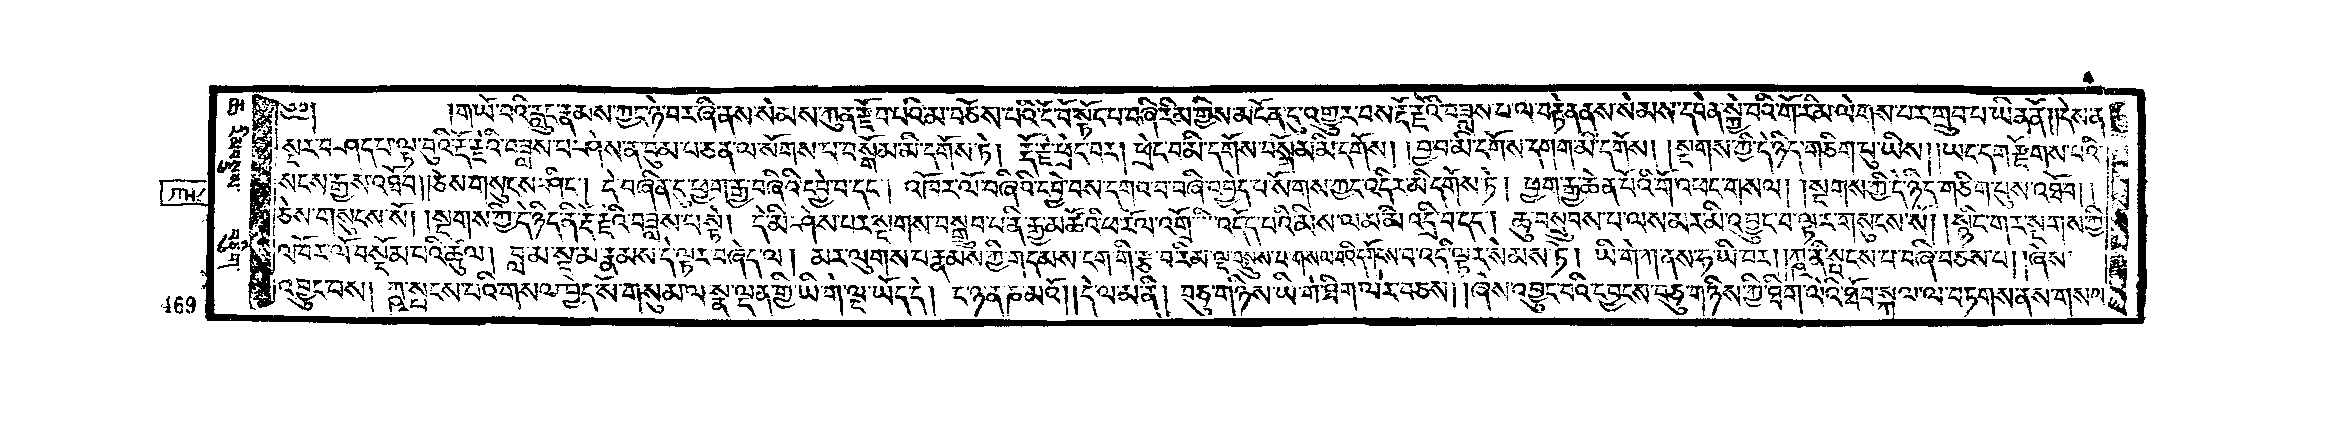༄༅། །གཡོ་བའི་རླུང་རྣམས་ཀྱང་ཉེ་བར་ཞི་ནས་སེམས་ཀུན་རྫོབ་པའི་མ་བཅོས་པའི་ངོ་བོ་སྟོང་པ་བཞི་རིམ་གྱིས་མངོན་དུ་འགྱུར་བས་རྡོ་རྗེའི་བཟླས་པ་ལ་བརྟེན་ནས་སེམས་དབེན་སྐྱེ་བའི་གོ་རིམ་ལེགས་པར་གྲུབ་པ་ཡིན་ནོ། །དེས་ན་
སྔར་བཤད་པ་ལྟ་བུའི་རྡོ་རྗེའི་བཟླས་པ་ཤེས་ན་བུམ་པ་ཅན་ལ་སོགས་པ་བསྒོམ་མི་དགོས་ཏེ། རྡོ་རྗེ་ཕྲེང་བར། ཕྲེང་བ་མི་དགོས་བསྒོམ་མི་དགོས། །བྱ་བ་མི་དགོས་དགག་མི་དགོས། །སྔགས་ཀྱི་དེ་ཉིད་གཅིག་པུ་ཡིས། །ཡང་དག་རྫོགས་པའི་
སངས་རྒྱས་འཐོབ། །ཅེས་གསུངས་ཤིང་། དེ་བཞིན་དུ་ཕྱག་རྒྱ་བཞིའི་དབྱེ་བ་དང་། འཁོར་ལོ་བཞིའི་དབྱེ་བས་དགའ་བ་བཞི་འབྱེད་པ་སོགས་ཀྱང་འདིར་མི་དགོས་ཏེ། ཕྱག་རྒྱ་ཆེན་པོའི་གོ་འཕང་གསལ། །སྔགས་ཀྱི་དེ་ཉིད་གཅིག་པུས་འཐོབ། །
ཅེས་གསུངས་སོ། །སྔགས་ཀྱི་དེ་ཉིད་ནི་རྡོ་རྗེའི་བཟླས་པ་སྟེ། དེ་མི་ཤེས་པར་སྔགས་བསྒྲུབ་པ་ནི་རྒྱ་མཚོའི་ཕ་རོལ་འགྲོའི་འདོད་པའི་མིས་ལམ་མི་འདྲི་བ་དང་། ཆུ་བསྲུབས་པ་ལས་མར་མི་འབྱུང་བ་ལྟར་གསུངས་སོ། །སྙིང་གར་སྔགས་ཀྱི་
འཁོར་ལོ་བསྒོམ་པའི་ཚུལ། བླ་མ་སྔ་མ་རྣམས་དེ་ལྟར་བཞེད་ལ། མར་ལུགས་པ་རྣམས་ཀྱི་གདམས་ངག་གི་རྩ་བ་རིམ་ལྔ་བསྡུས་པ་གསལ་བའི་དགོངས་པ་འདི་ལྟར་སེམས་ཏེ། ཡི་གེ་ཀ་ནས་ཧ་ཡི་བར། །ཀྵ་ནི་སྤངས་པ་བཞི་བཅས་པ། །ཞེས་
འབྱུང་བས། ཀྵ་སྤངས་པའི་གསལ་བྱེད་སོ་གསུམ་ལ་སྣ་ལྡན་གྱི་ཡི་གེ་ལྔ་ཡོད་དེ། ང་ཉ་ན་ཎ་མའོ། །དེ་ལ་མ་ནི། བཅུ་གཉིས་ཡི་གེ་ཐིག་ལེར་བཅས། །ཞེས་འབྱུང་བའི་དབྱངས་བཅུ་གཉིས་ཀྱི་ཐིག་ལེའི་ཐོབ་སྐལ་ལ་བཏགས་ནས་གསལ་